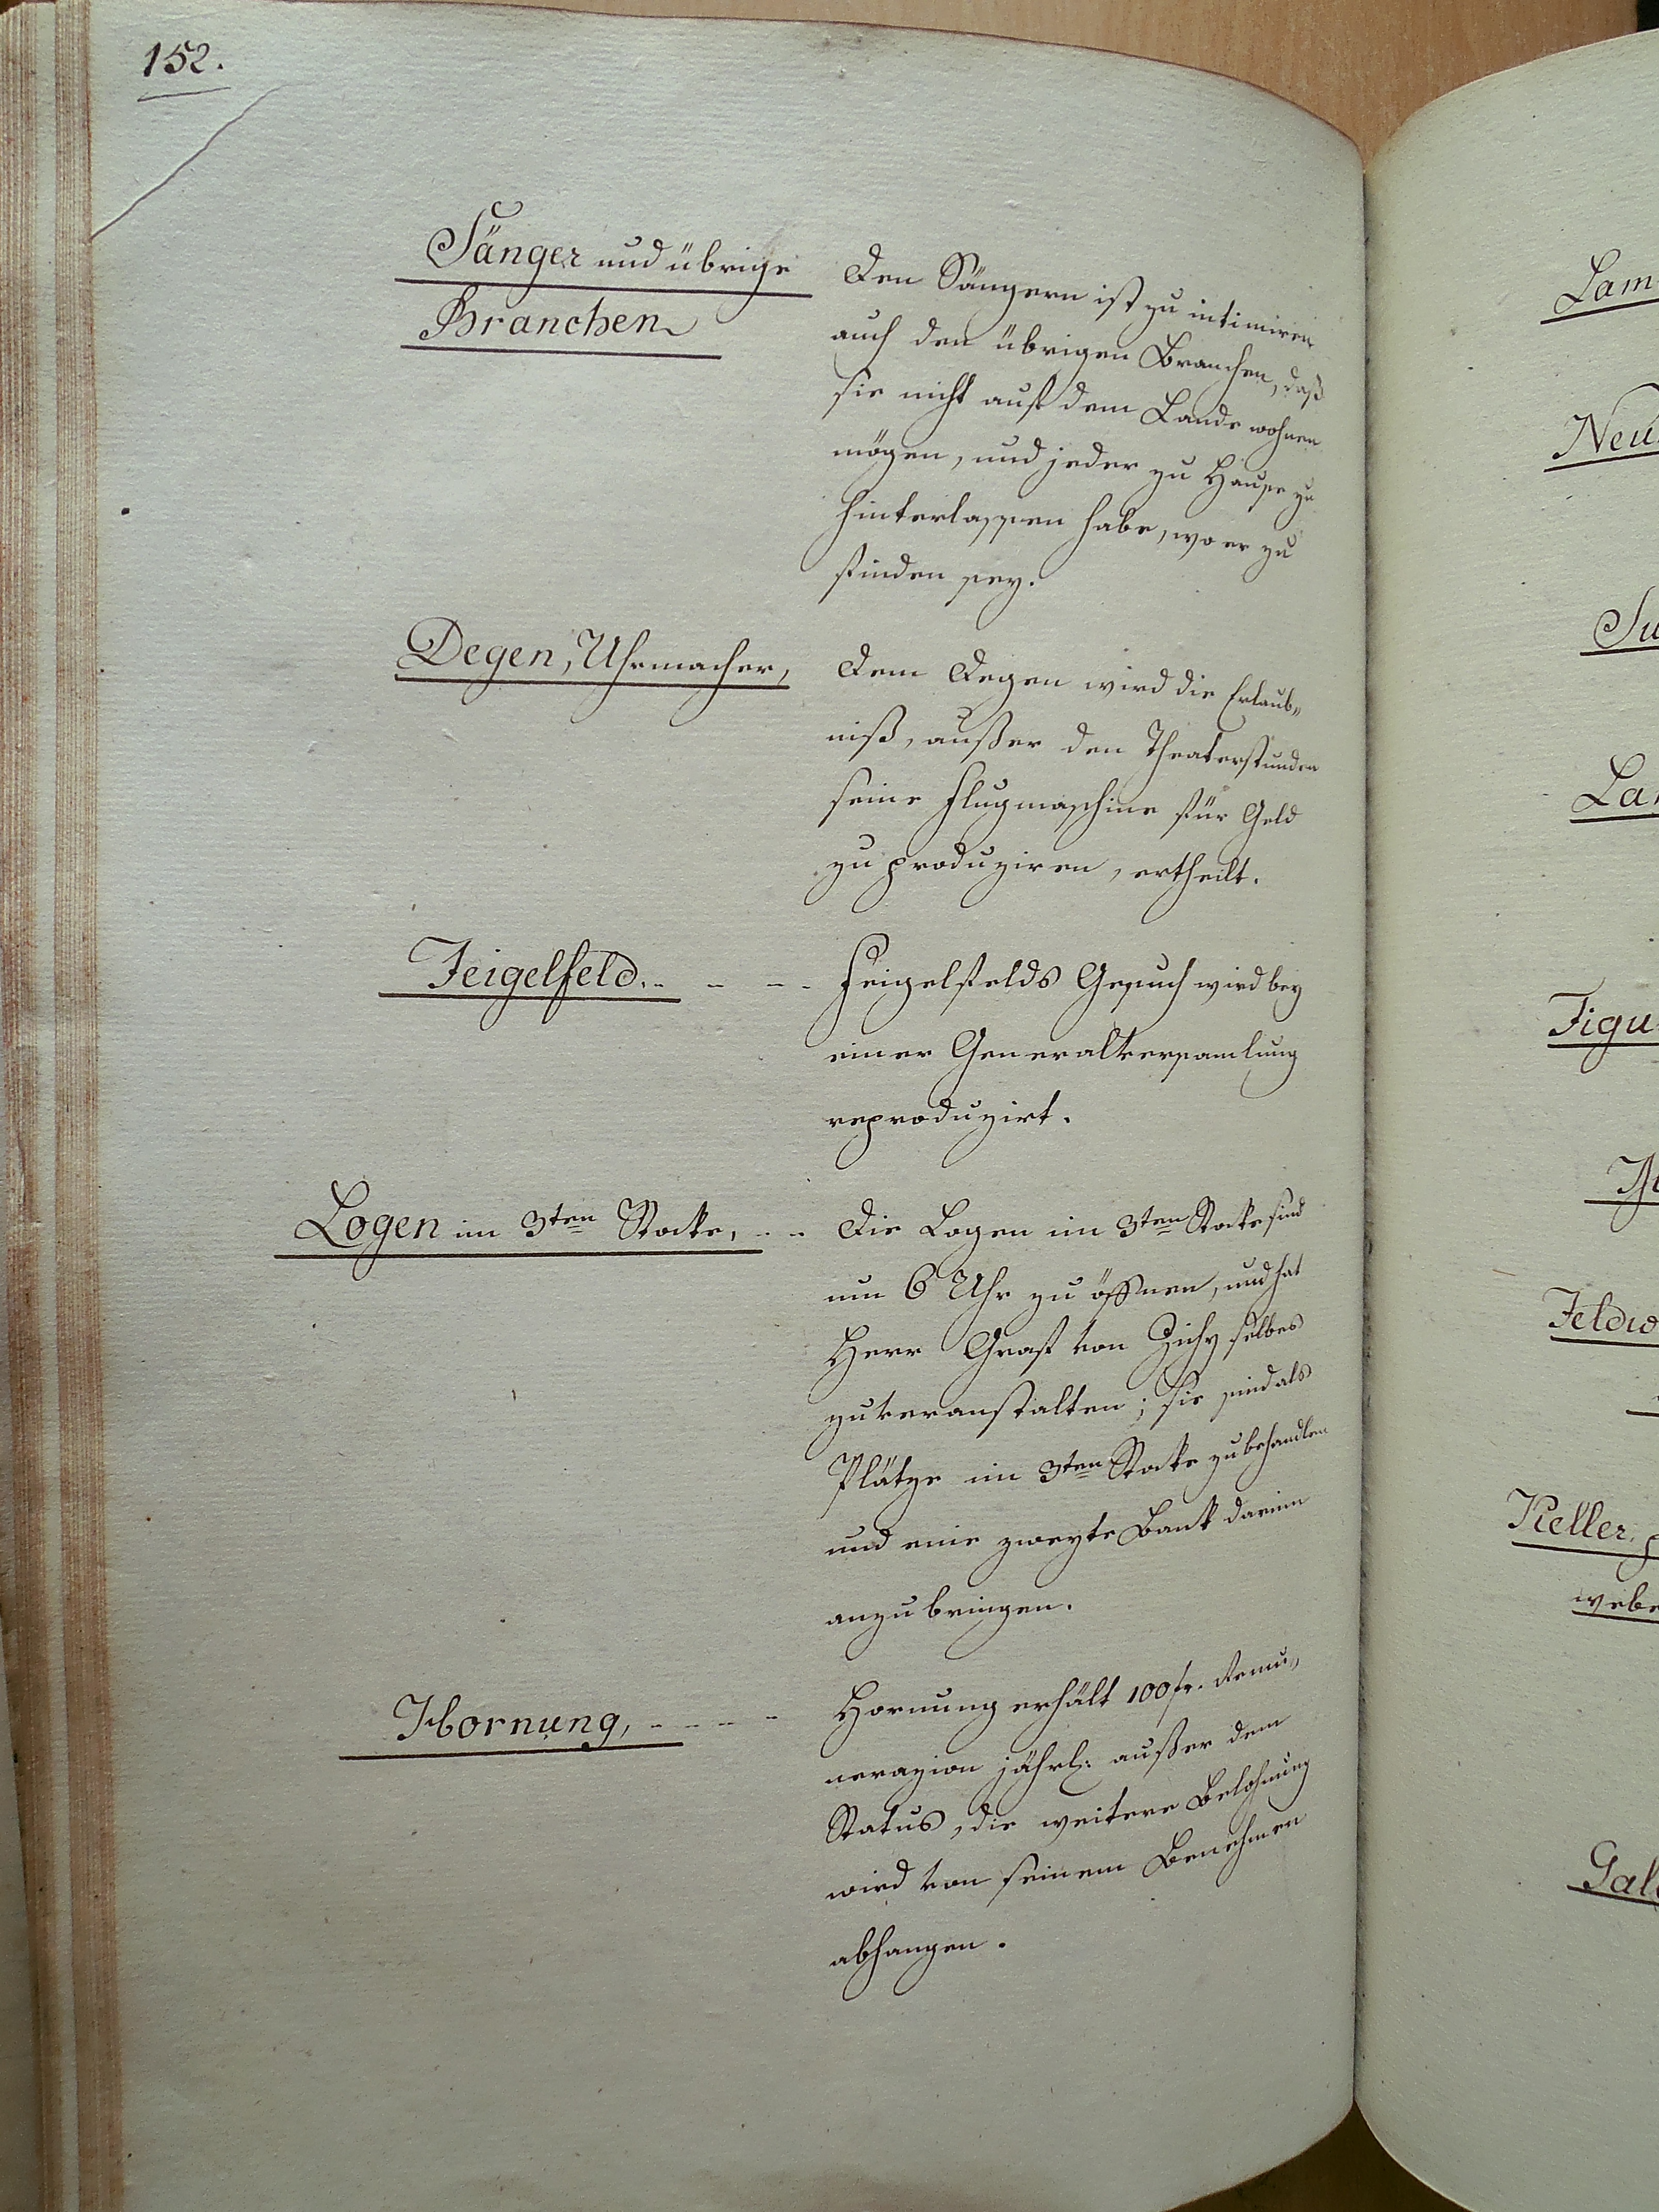152.
Sänger und übrige
Branchen.
Den Sängern ist zu intimiren
auch den übrigen Branchen, daß
sie nicht auf dem Lande wohnen
mögen, und jeder zu Hause zu
hinterlassen habe, wo er zu
finden sey.
Degen, Uhrmacher, Dem Degen wird die Erlaub¬
niß, außer den Theaterstunden
seine Flugmaschine für Geld
zu produziren, ertheilt.
Feigelfeld. .. .. .. .. Feigelfelds Gesuch wird bey
einer Generalversamlung
reproduzirt.
Logen im 3te͇n Stocke, .. .. Die Logen im 3te͇n Stocke sind
um 6 Uhr zu öffnen, und hat
Herr Graf von Zichy selber
zuveranstalten; sie sind als
Plätze im 3te͇n Stocke zubehandlen
und eine zweyte Bank darinn
anzubringen.
Hornung, .. .. .. .. Hornung erhält 100fr. Remu¬
nerazion jährl: außer dem
Status, die weitere Belohnung
wird von seinem Benehmen
abhangen.